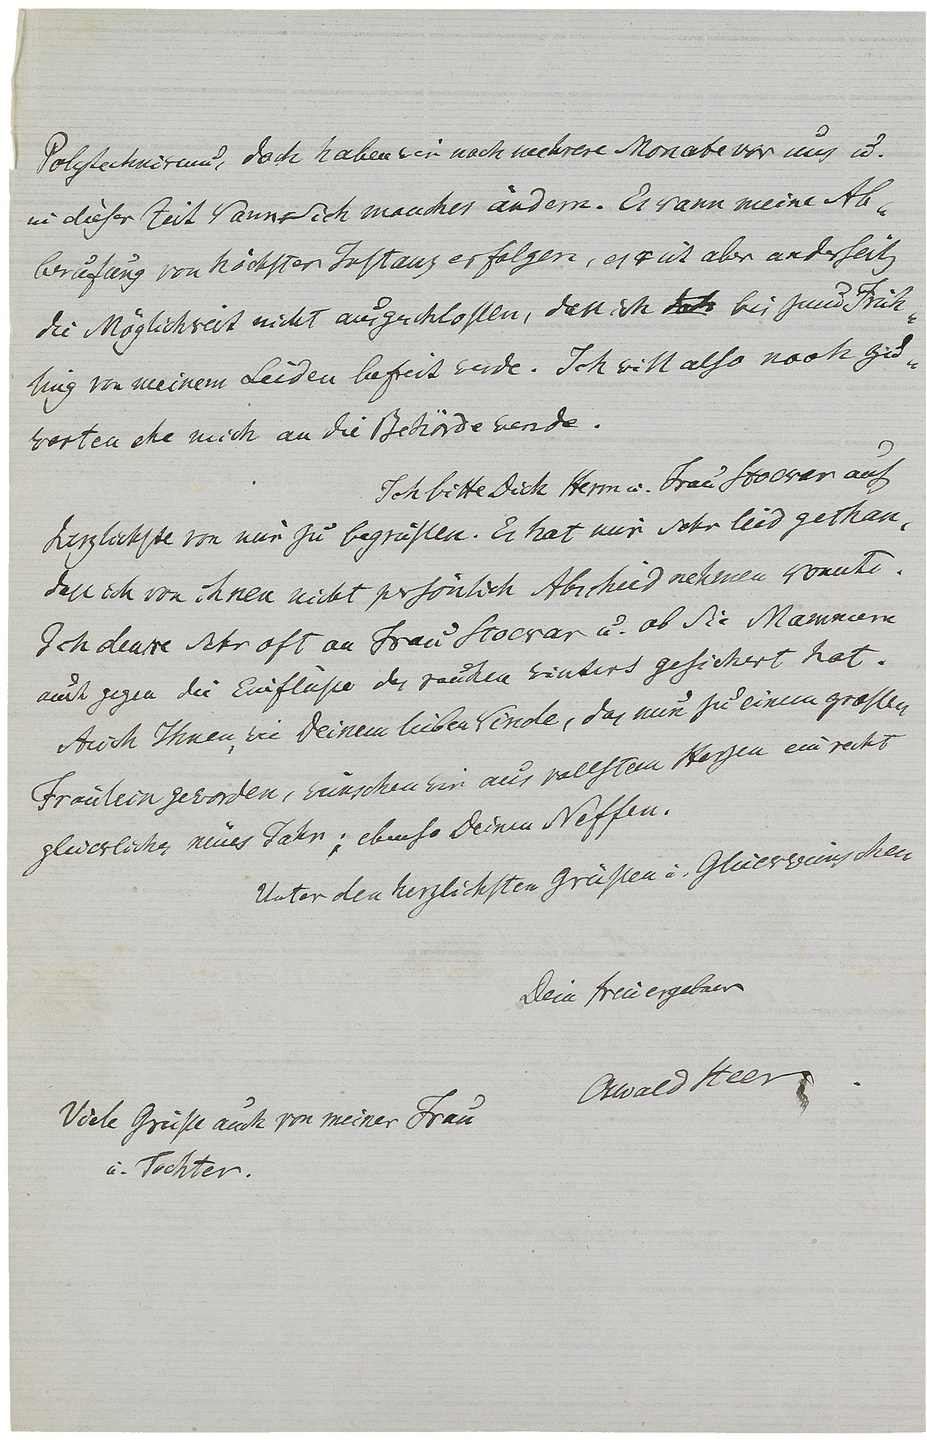Polytechnikum, doch haben wir noch mehrere Monate vor uns u.
in dieser Zeit kann sich manches ändern. Es kann meine Ab-
berufung von höchster Instanz erfolgen, es ist aber anderseits
die Möglichkeit nicht ausgeschlossen, dass ich doch bis zum Früh-
ling von meinem Leiden befreit werde. Ich will also noch zu-
warten ehe mich an die Behörde wende.
Ich bitte Dich Herrn u. Frau Stockar aufs
Herzlichste von mir zu begrüssen. Es hat mir sehr leid gethan,
dass ich von ihnen nicht persönlich Abschied nehmen konnte.
Ich denke sehr oft an Frau Stockar u. ob sie Mammern
auch gegen die Einflüsse des rauhen Winters gesichert hat.
Auch Ihnen, wie Deinem lieben Kinde, das nun zu einem grossen
Fräulein geworden, wünschen wir aus vollstem Herzen ein recht
glückliches neues Jahr; ebenso Deinen Neffen.
Unter den herzlichsten Grüssen u. Glückwünschen
Dein treu ergebner
Oswald Heer.
Viele Grüsse auch von meiner Frau
u. Tochter.